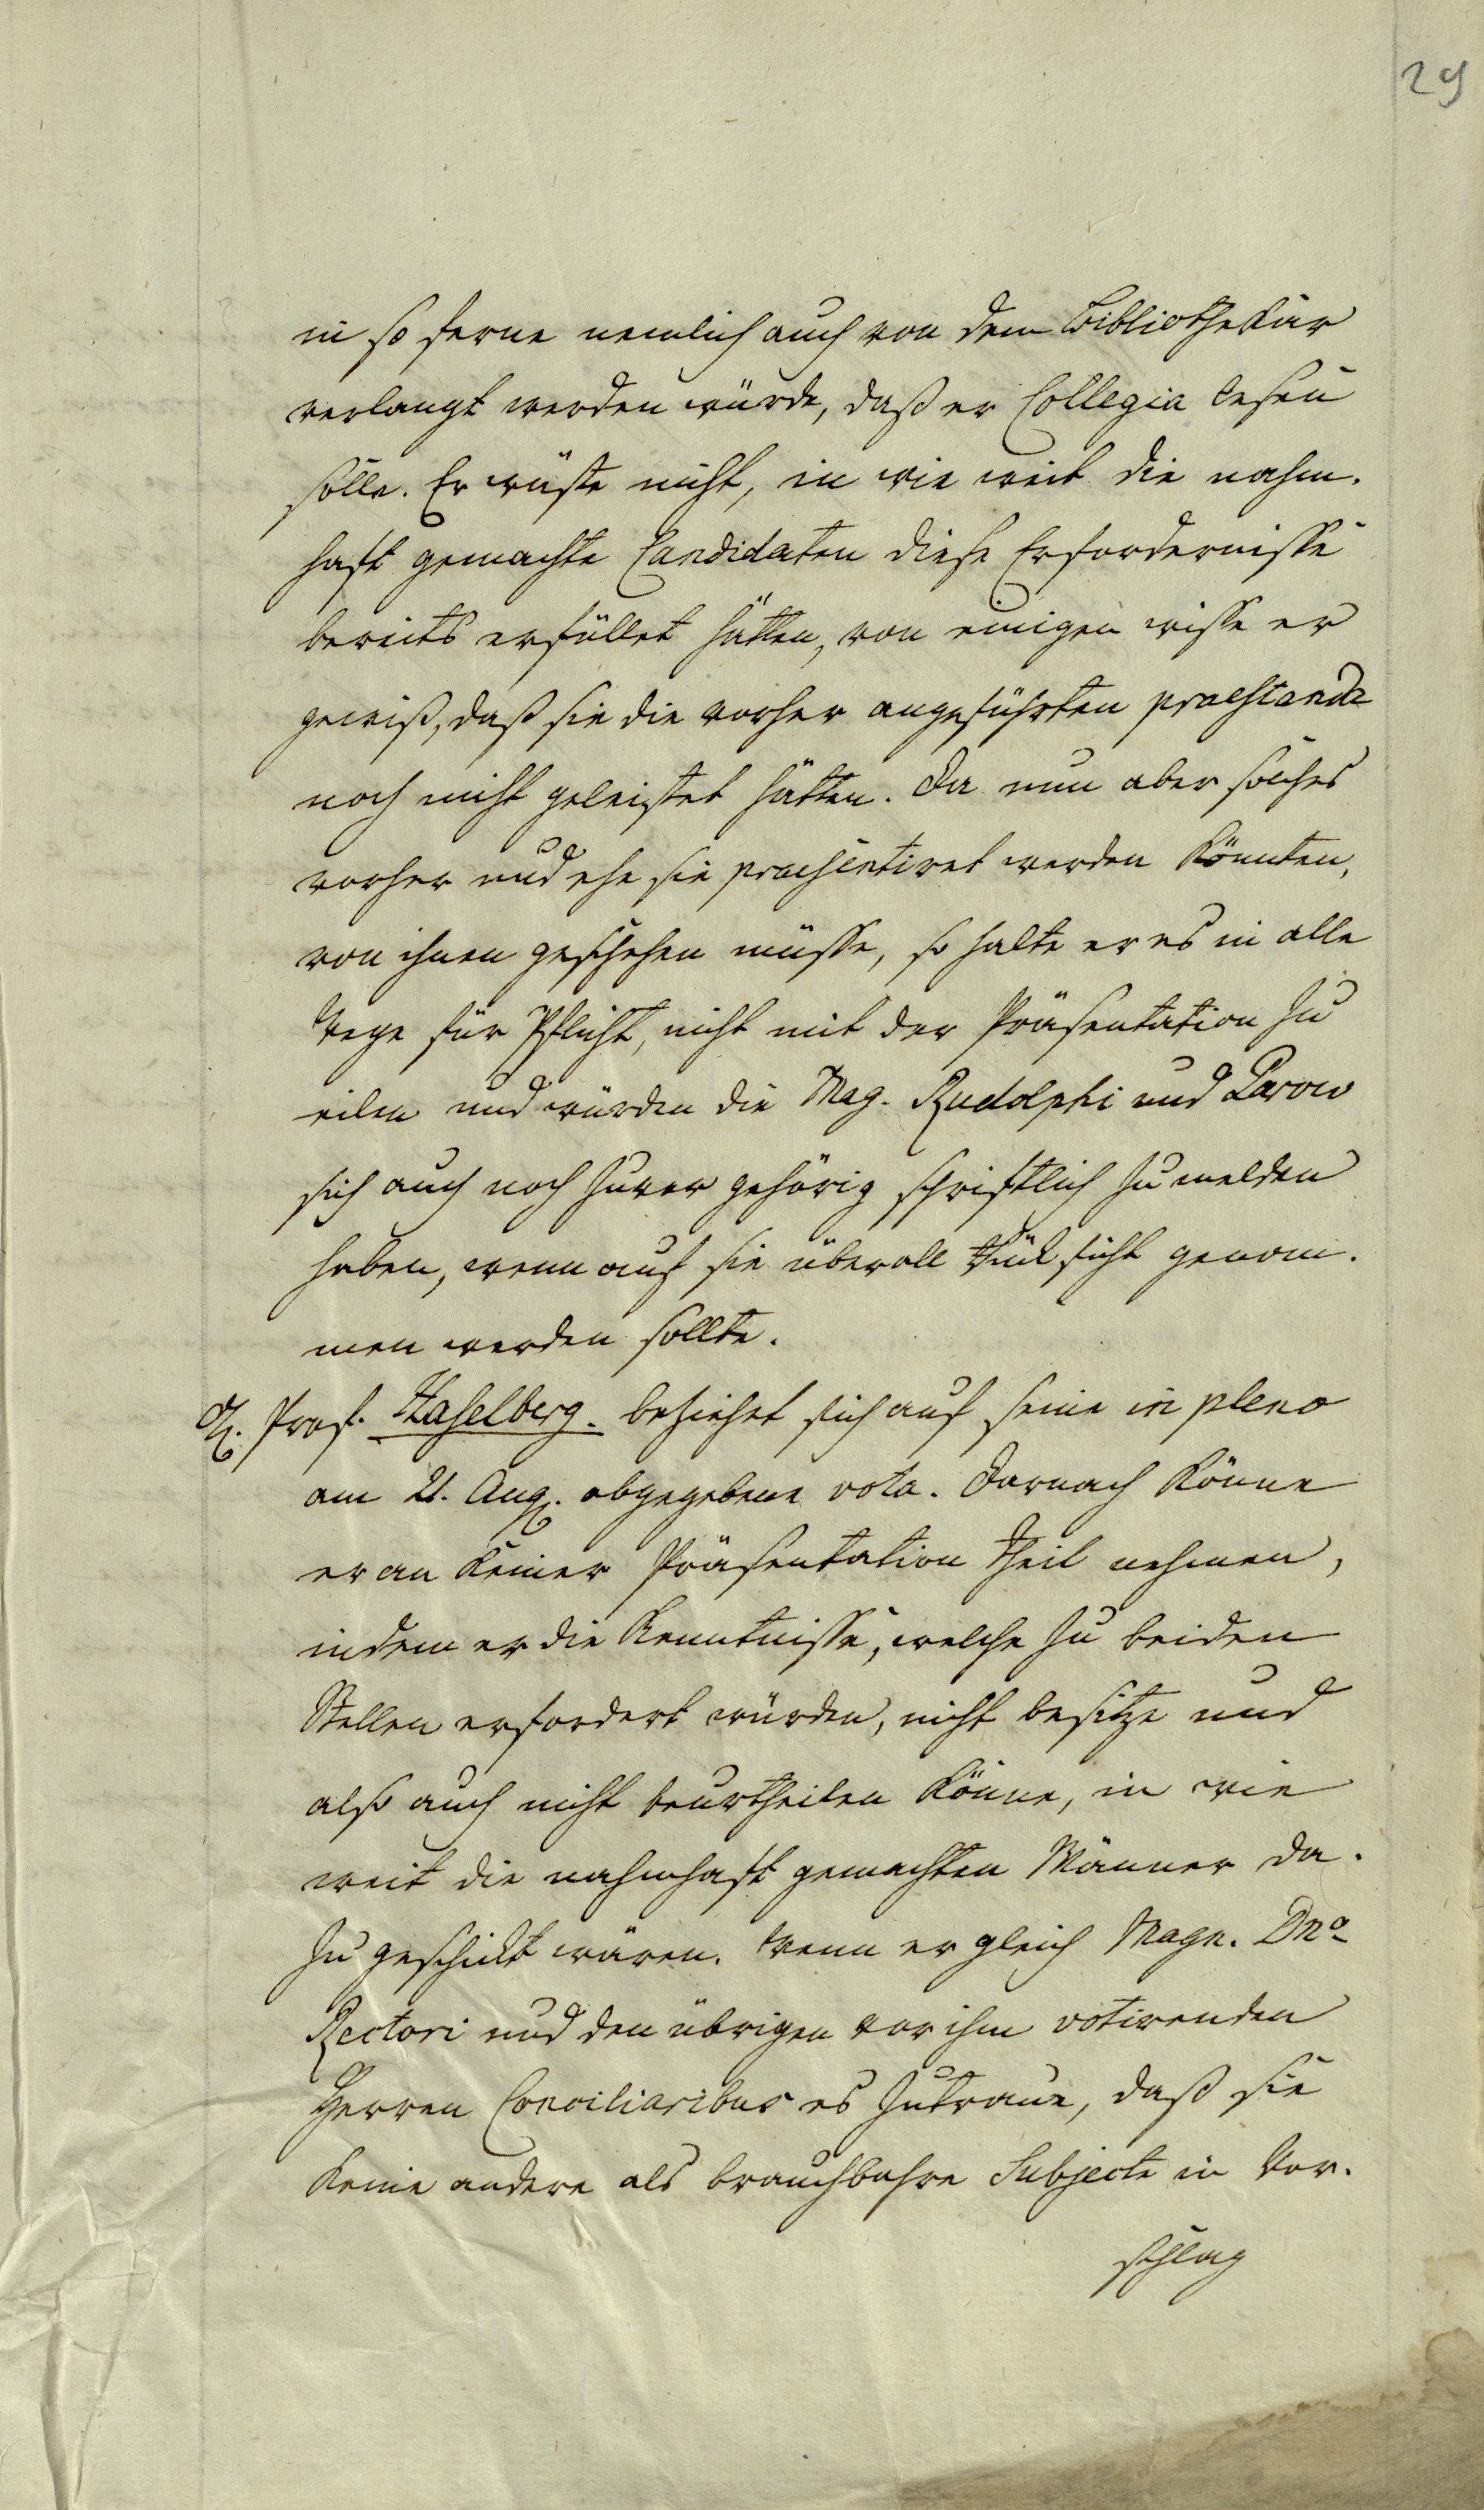in so ferne nemlich auch von dem Bibliothekar
verlangt werden würde, daß er Collegia lesen
solle. Er wüsste nicht, in wie weit die nahm¬
haft gemachte Candidaten diese Erfordernisse
bereits erfüllet hätten, von einigen wisse er
gewiß, daß sie die vorher angeführten praestanda
noch nicht geleistet hätten. Da nun aber solches
vorher und ehe sie praesentiret werden könnten,
von ihnen geschehen müsse, so halte er es in alle
Wege für Pflicht, nicht mit der Präsentation zu
eilen und würden die Mag. Rudolphi und Larow
sich auch noch zuvor gehörig schriftlich zu melden
haben, wenn auf sie überall Rücksicht genom¬
men werden sollte.
dh. Prof. Haselberg. beziehet sich auf seine in pleno
am 21. Aug. abgebene vota. Darnach könne
er an keiner Präsentation Theil nehmen,
indem er die Kenntnisse, welche zu beiden
Stellen erfordert würden, nicht besitze und
also auch nicht beurtheilen könne, in wie
weit die nahmhaft gemachten Männer da
zu geschickt wären. Wenn er gleich Magn. Dno
Rectori und den übrigen vor ihm votirenden
Herren Conciliaribus es zutraue, daß sie
keine andere als brauchbahre Subjecte in Vor¬
schlag